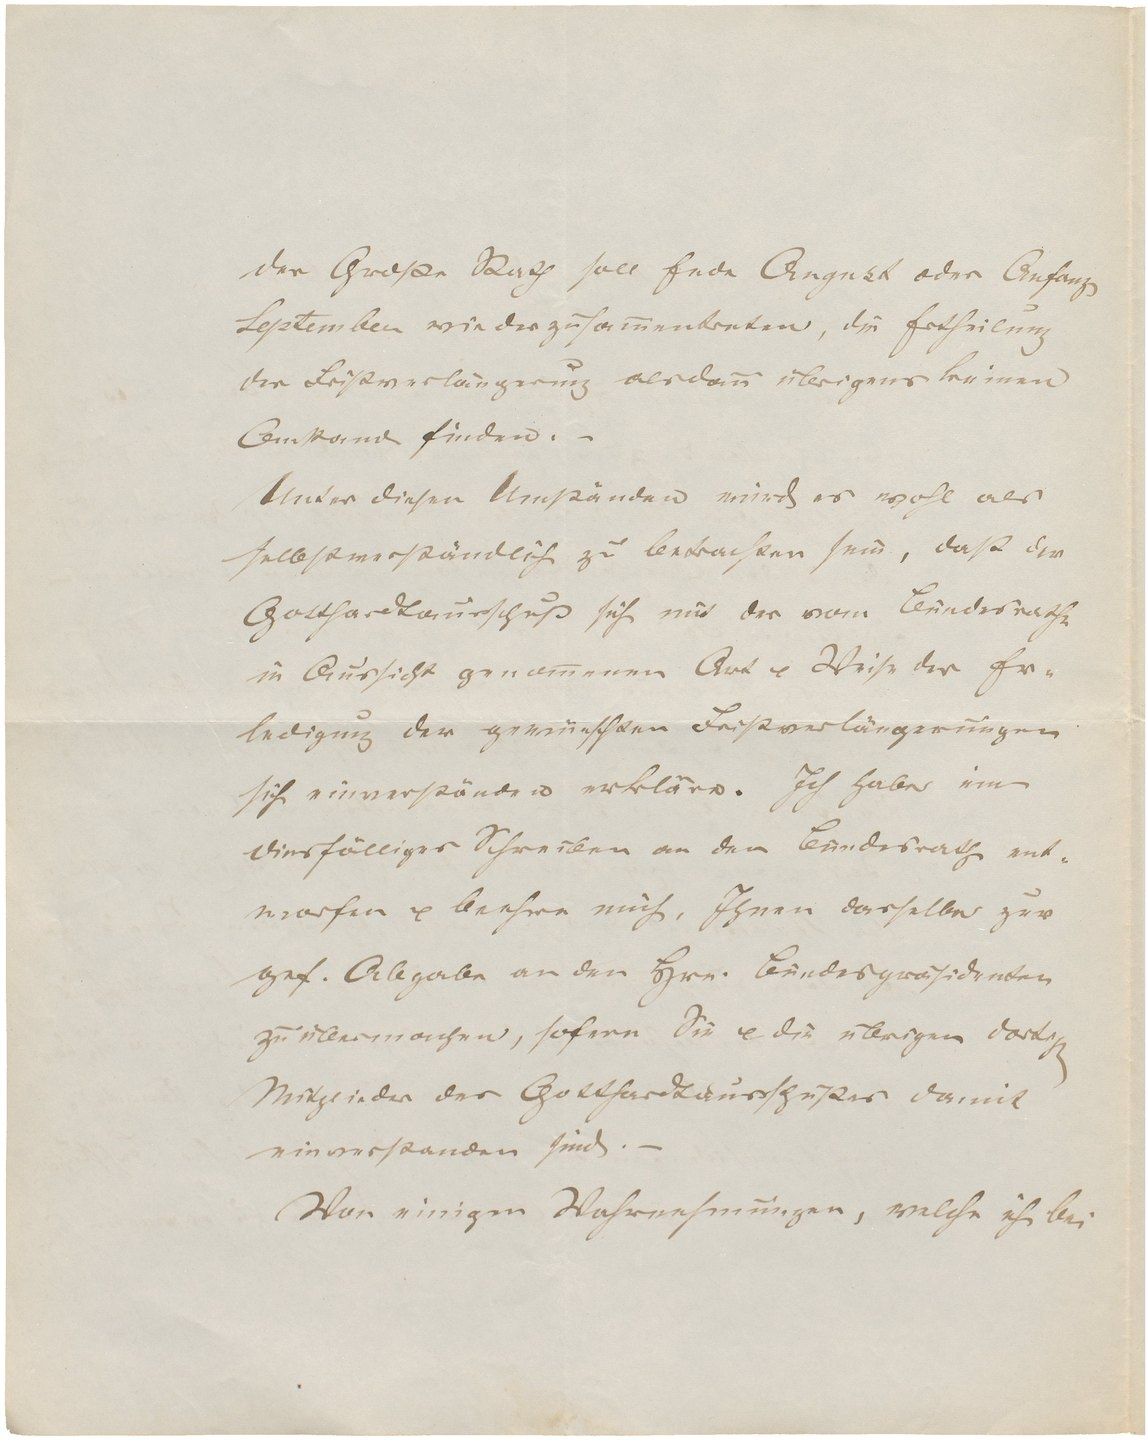Der Große Rath soll Ende August oder Anfangs
September wieder zusammentreten, die Ertheilung
der Fristverlängerung alsdann übrigens keinen
Anstand finden. –
Unter diesen Umständen wird es wohl als
selbstverständlich zu betrachten sein, daß der
Gotthardtausschuß sich mit der vom Bundesrathe
in Aussicht genommenen Art & Weise der Er-
ledigung der gewünschten Fristverlängerungen
sich einverständen erkläre. Ich habe ein
diesfälliges Schreiben an den Bundesrath ent-
worfen & beehre mich, Ihnen dasselbe zur
gef. Abgabe an den Hrn. Bundespräsidenten
zu übermachen, sofern Sie & die übrigen dortigen
Mitglieder des Gotthardtausschußes damit
einverstanden sind. –
Von einigen Wahrnehmungen, welche ich bei